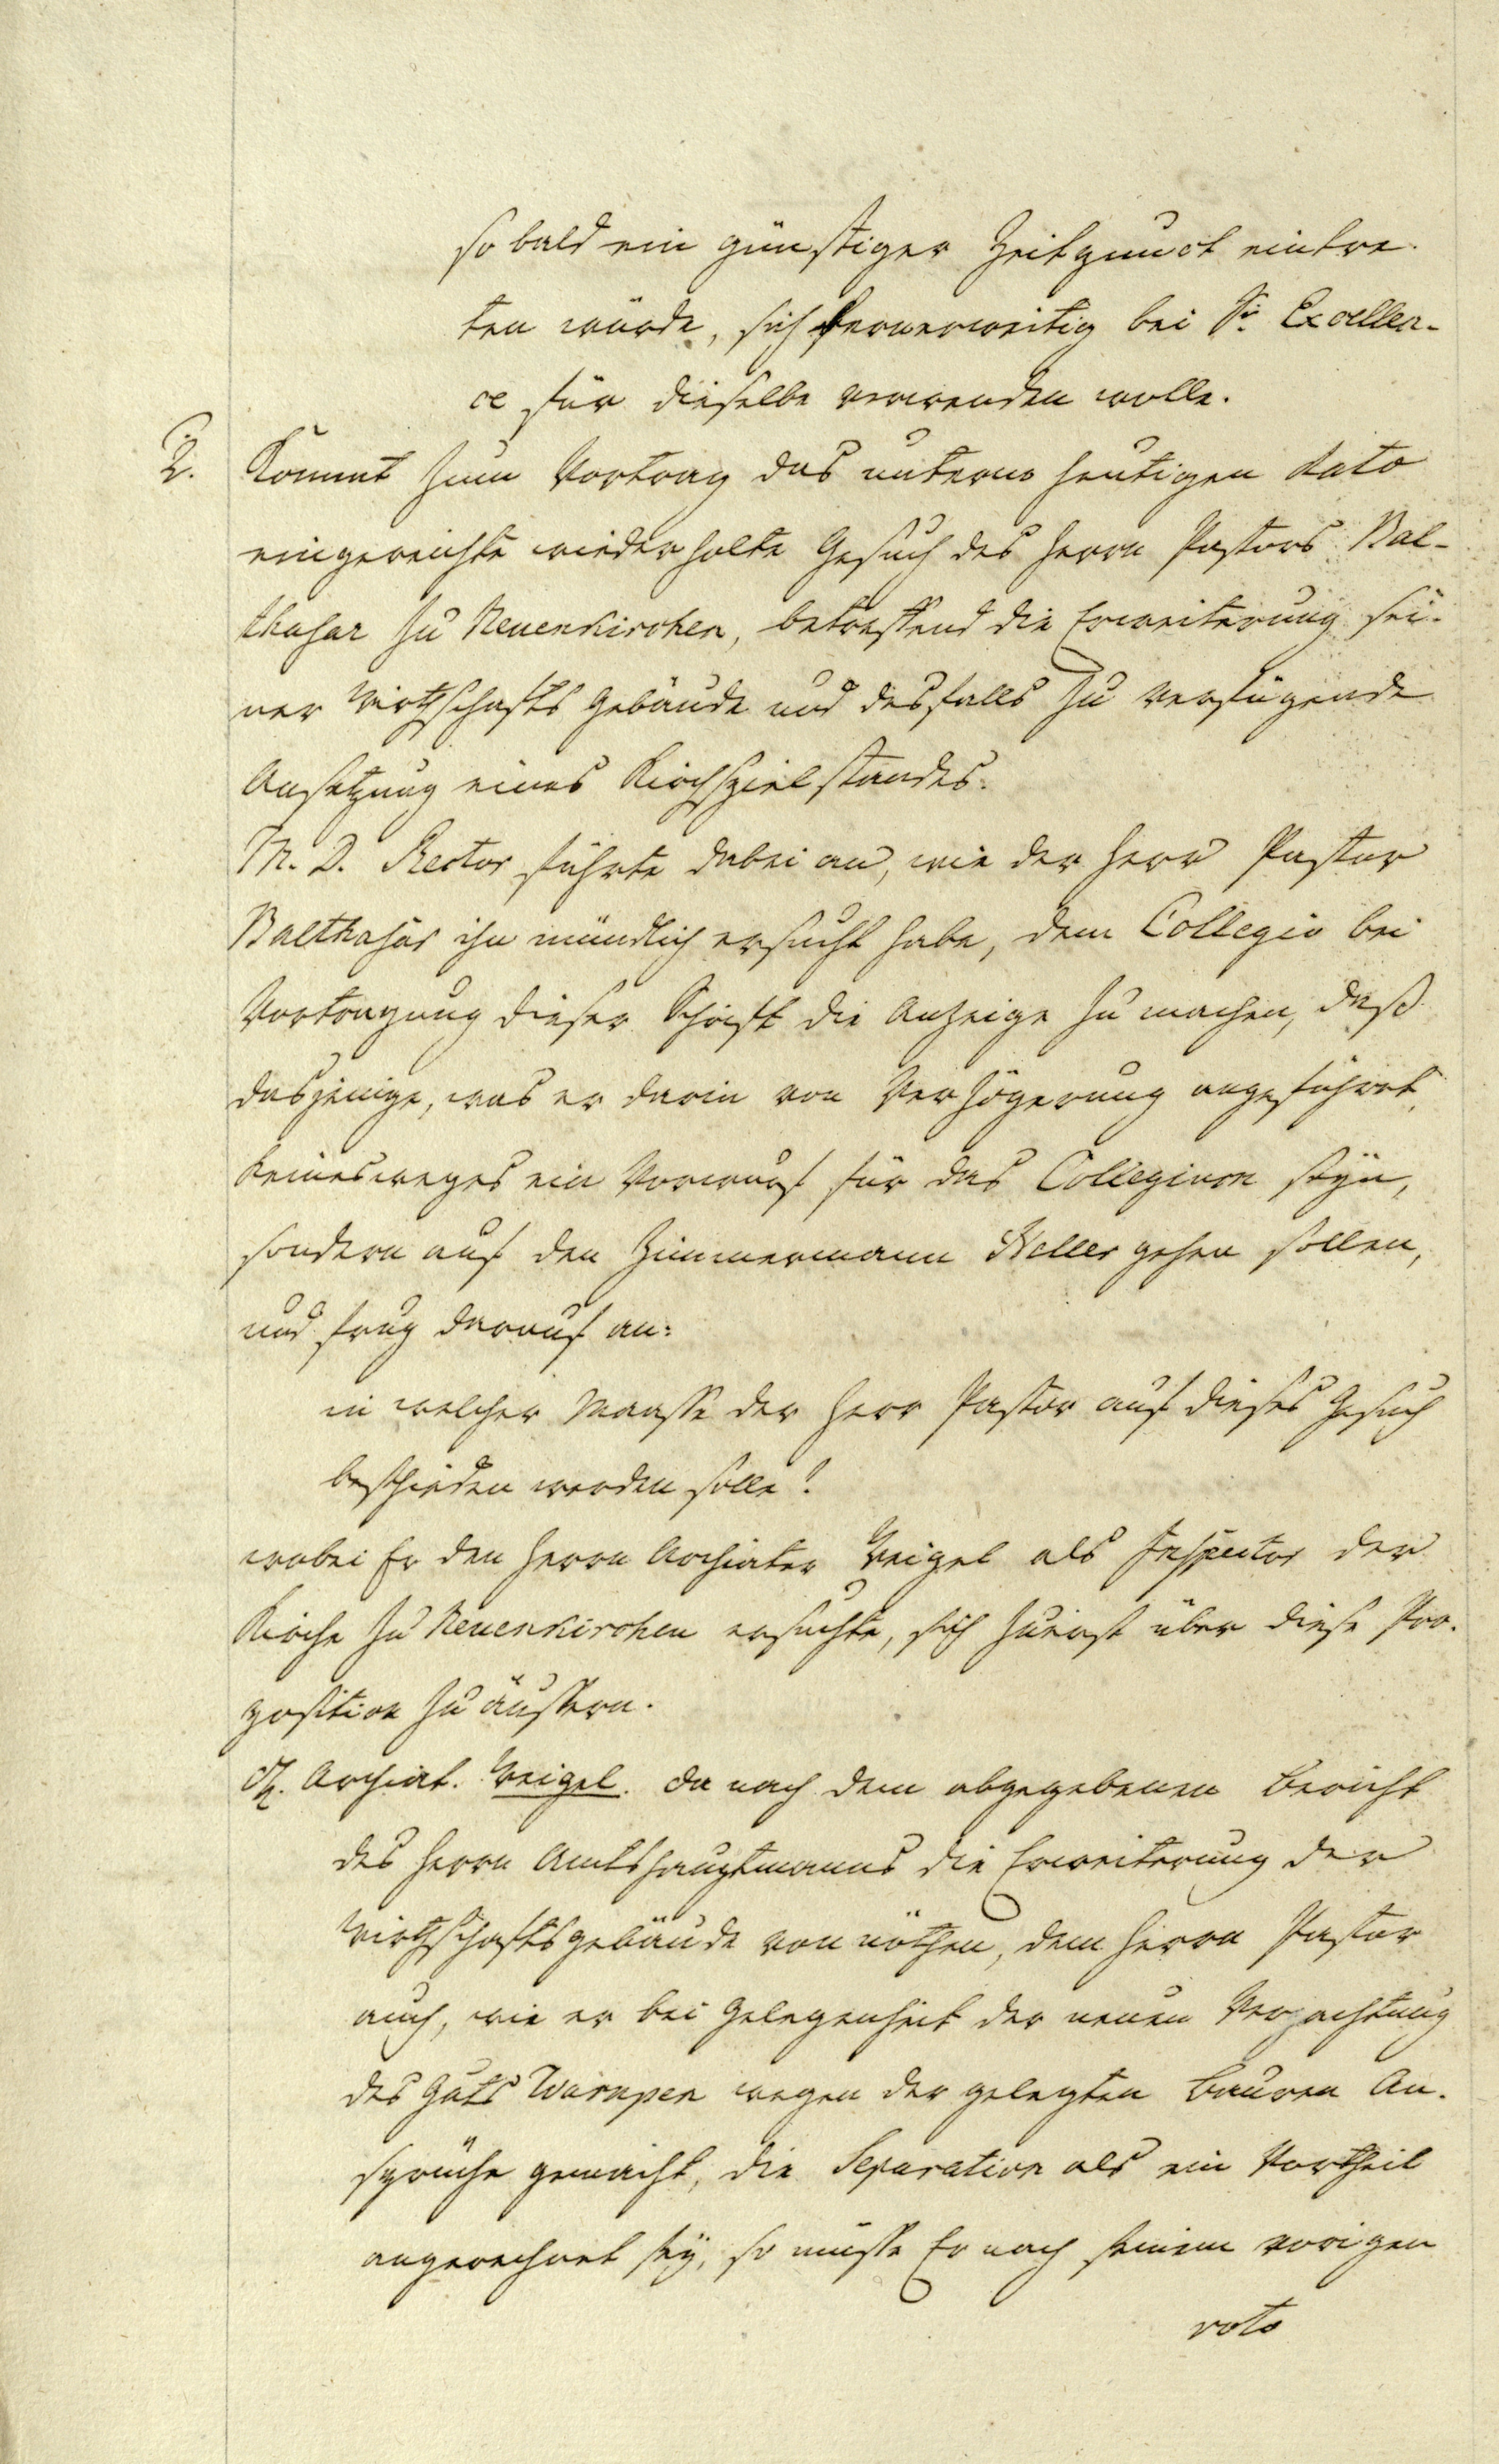so bald ein günstiger Zeitpunct eintre¬
ten würde, sich fernerweitig bei Sr. Excellen¬
ce für dieselbe verwenden wolle.
2. Kommt zum Vortrag das unterm heutigen dato
eingereichte wiederholte Gesuch des herrn Pastors Bal¬
thasar zu Neuenkirchen, betreffend die Erweiterung sei¬
ner Wirthschafts Gebäude und desfalls zu verfügende
Ansetzung eines Kirchspielstandes.
M. D. Rector führte dabei an, wie der herr pastor
Balthasar ihn mündlich ersucht habe, dem Collegio bei
Vortragung dieser Schrift die Anzeige zu machen, daß
dasjenige, was er darin von Verzögerung angeführet,
keinesweges ein Vorwurf für das Collegium seÿn,
sondern auf den Zimmermann Heller gehen sollen,
und frug darauf an:
in welcher Maasse der herr Pastor auf dieses Gesuch
beschieden werden solle!
wobei Er den herrn Archiater Weigel als Inspector der
Kirche zu Neuenkirchen ersuchte, sich zuerst über diese Pro¬
position zu äussern.
dh. Archiat. Weigel. da nach dem abgegebenen Bericht
des herrn Amtshauptmanns die Erweiterung der
Wirthschaftsgebäude von nöthen, dem herrn Pastor
auch, wie er bei Gelegenheit der neuen Verpachtung
des Guts Wampen wegen der gelegten Bauren An¬
sprüche gemacht, die Separation als ein Vortheil
angerechnet seÿ, so müsse Er nach seinem vorigen
voto